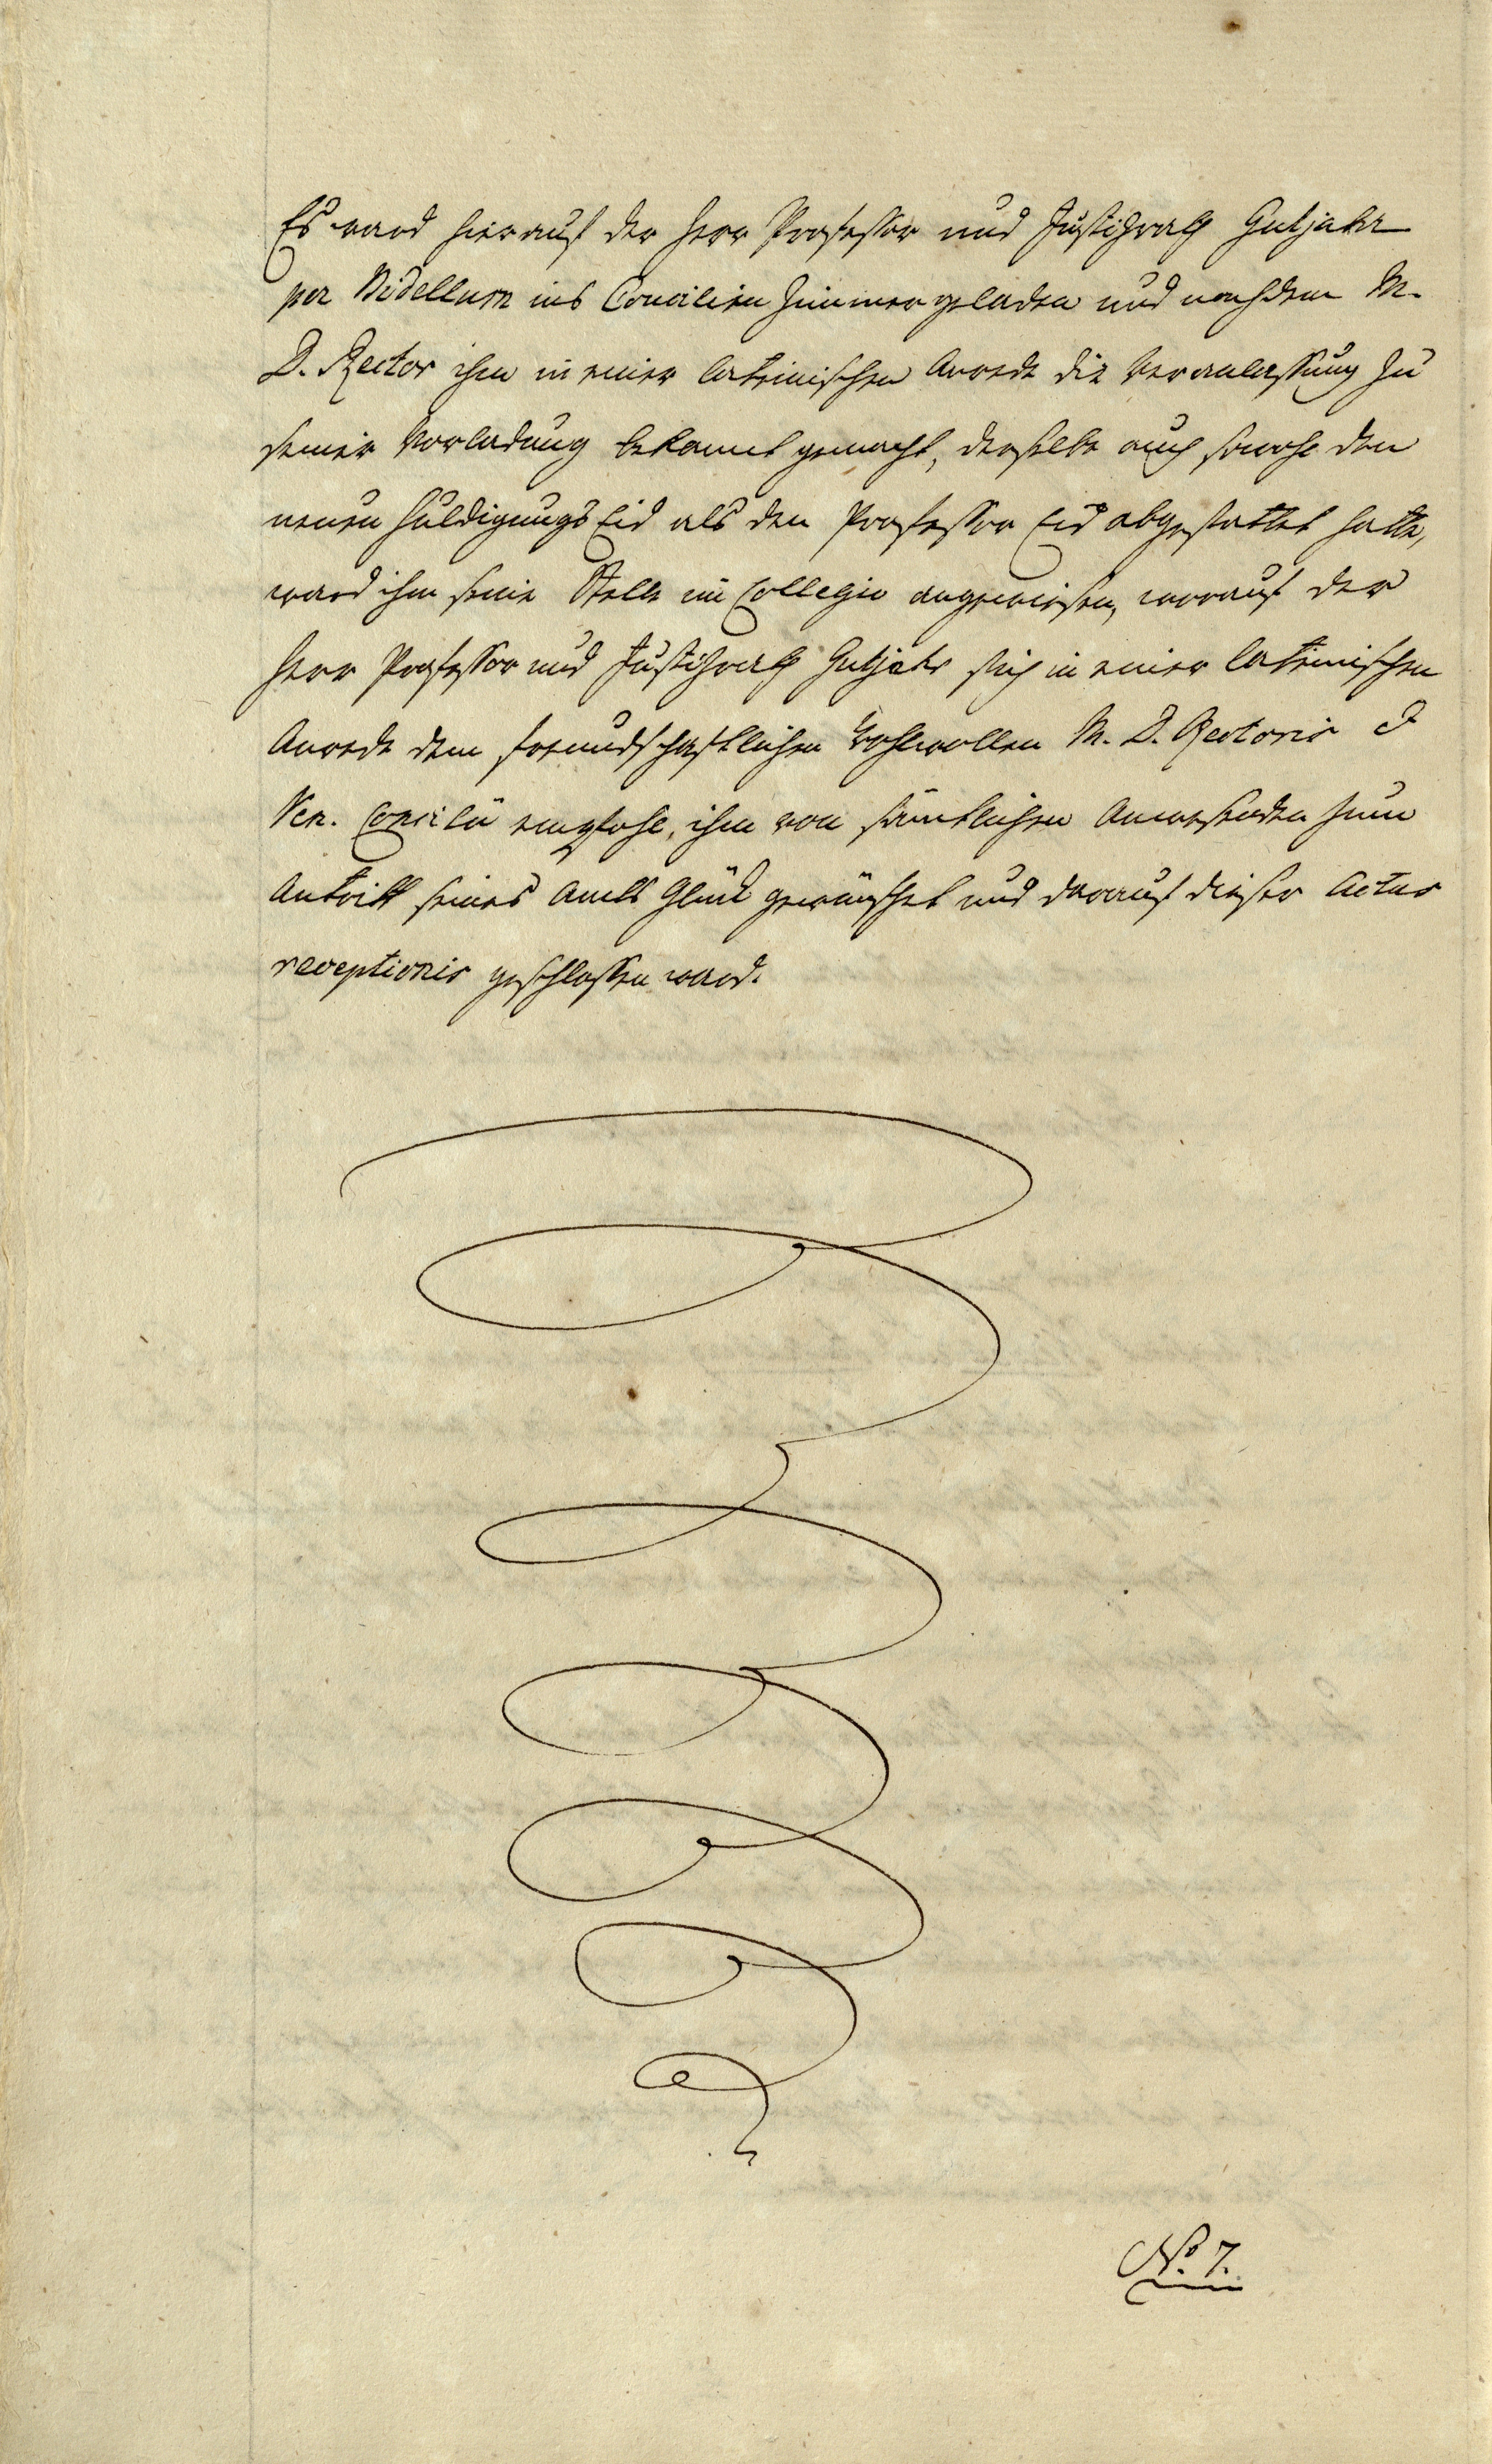Es ward hierauf der Herr Professor und Justizrath Gutjahr
per Bidellum ins Concilien Zimmer geladen und nachdem M.
D. Rector ihm in einer lateinischen Anrede die Veranlassung zu
seiner Vorladung bekannt gemacht, derselbe auch sowohl den
neuen Huldigungs Eid als den Professor Eid abgestattet hatte,
ward ihm seine Stelle im Collegio angewiesen, worauf der
Herr Professor und Justizrath Gutjahr sich in einer lateinischen
Anrede dem freundschaftlichen Wohlwollen M. D. Rectoris et
Ven. Concilii empfahl, ihm von sämtlichen Anwesenden zum
Antritt seines Amts Glück gewünschet und darauf dieser Actus
receptionis geschlossen ward.
No 7.